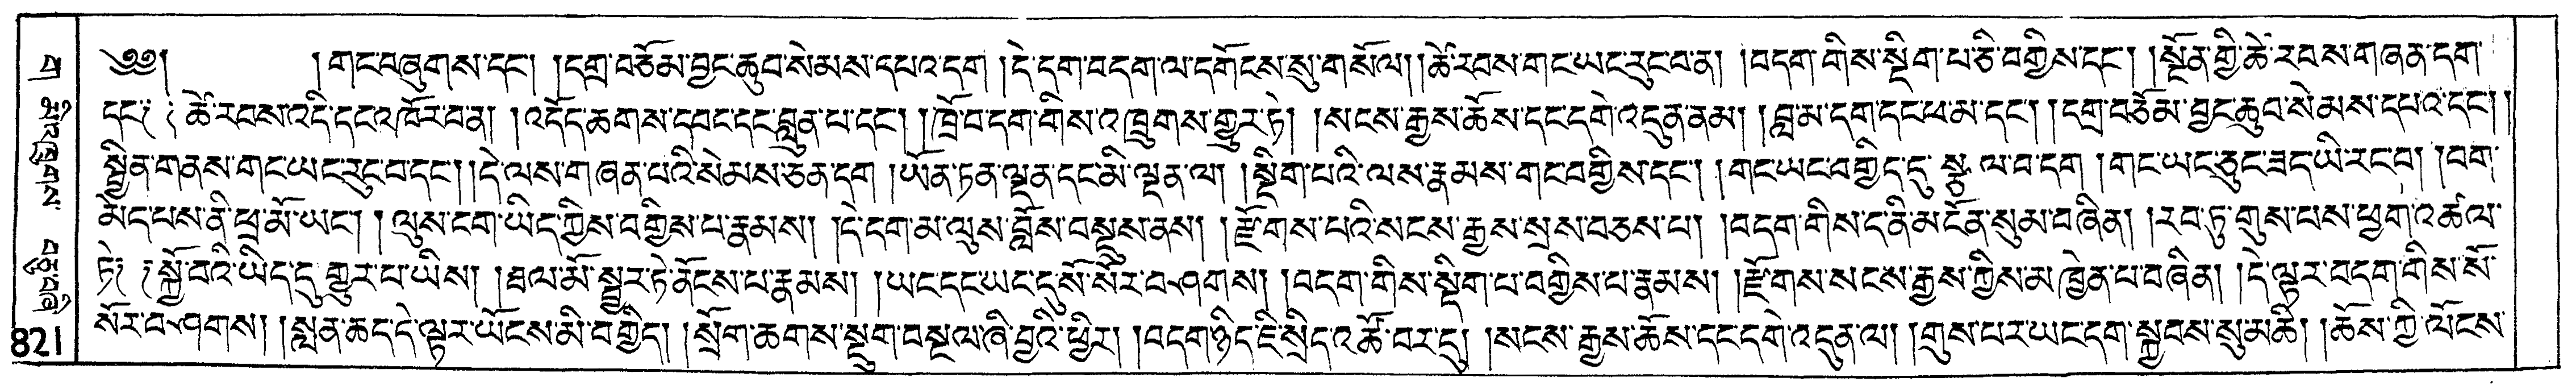༄༅། །གང་བཞུགས་དང་། །དགྲ་བཅོམ་བྱང་ཆུབ་སེམས་དཔའ་དག །དེ་དག་བདག་ལ་དགོངས་སུ་གསོལ། །ཚེ་རབས་གང་ཡང་རུང་བ་ན། །བདག་གིས་སྡིག་པ་ཅི་བགྱིས་དང་། །སྔོན་གྱི་ཚེ་རབས་གཞན་དག་
དང༑ ༑ཚེ་རབས་འདི་དང་འཁོར་བ་ན། །འདོད་ཆགས་དབང་དང་བླུན་པ་དང་། །ཁྲོ་བ་དག་གིས་འཁྲུགས་གྱུར་ཏེ། །སངས་རྒྱས་ཆོས་དང་དགེ་འདུན་ནམ། །བླ་མ་དག་དང་ཕ་མ་དང་། །དགྲ་བཅོམ་བྱང་ཆུབ་སེམས་དཔའ་དང་། །
སྦྱིན་གནས་གང་ཡང་རུང་བ་དང་། །དེ་ལས་གཞན་པའི་སེམས་ཅན་དག །ཡོན་ཏན་ལྡན་དང་མི་ལྡན་ལ། །སྡིག་པའི་ལས་རྣམས་གང་བགྱིས་དང་། །གང་ཡང་བགྱིད་དུ་སྩལ་བ་དག །གང་ཡང་ཅུང་ཟད་ཡི་རང་བ། །བག་
མེད་པས་ནི་ཕྲ་མོ་ཡང་། །ལུས་ངག་ཡིད་ཀྱིས་བགྱིས་པ་རྣམས། །དེ་དག་མ་ལུས་བློས་བསྡུས་ནས། །རྫོགས་པའི་སངས་རྒྱས་སྲས་བཅས་པ། །བདག་གིས་ད་ནི་མངོན་སུམ་བཞིན། །རབ་ཏུ་གུས་པས་ཕྱག་འཚལ་
ཏེ༑ ༑སྐྱོ་བའི་ཡིད་དུ་གྱུར་པ་ཡིས། །ཐལ་མོ་སྦྱར་ཏེ་ནོངས་པ་རྣམས། །ཡང་དང་ཡང་དུ་སོ་སོར་བཤགས། །བདག་གིས་སྡིག་པ་བགྱིས་པ་རྣམས། །རྫོགས་སངས་རྒྱས་ཀྱིས་མཁྱེན་པ་བཞིན། །དེ་ལྟར་བདག་གིས་སོ་
སོར་བཤགས། །སླན་ཆད་དེ་ལྟར་ཡོངས་མི་བགྱིད། །སྲོག་ཆགས་སྡུག་བསྔལ་ཞི་བྱའི་ཕྱིར། །བདག་ཉིད་ཇི་སྲིད་འཚོ་བར་དུ། །སངས་རྒྱས་ཆོས་དང་དགེ་འདུན་ལ། །གུས་པར་ཡང་དག་སྐྱབས་སུ་མཆི། །ཆོས་ཀྱི་ལོངས་